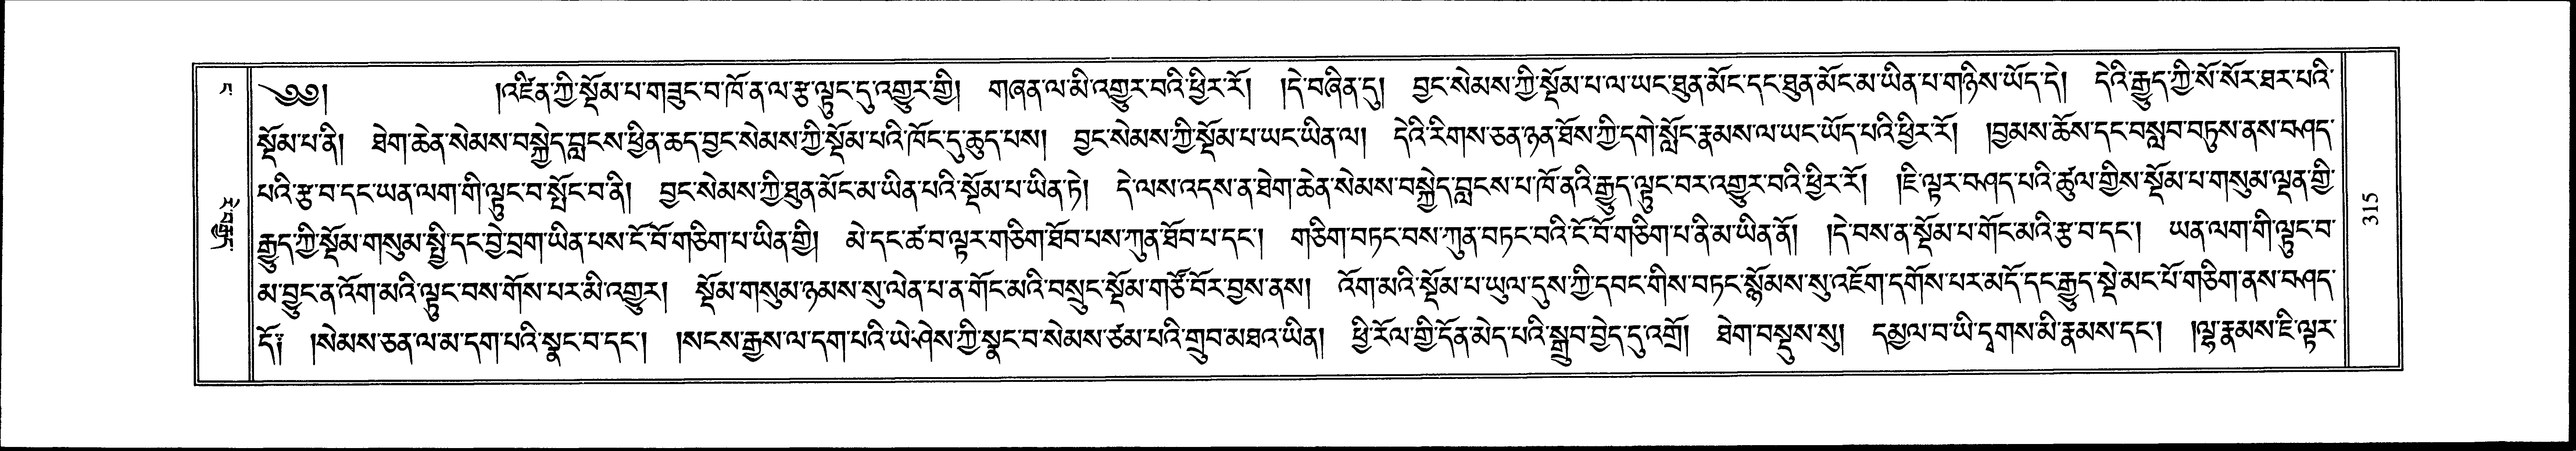༄༅། །འཛིན་ཀྱི་སྡོམ་པ་གཟུང་བ་ཁོ་ན་ལ་རྩ་ལྟུང་དུ་འགྱུར་གྱི། གཞན་ལ་མི་འགྱུར་བའི་ཕྱིར་རོ། །དེ་བཞིན་དུ། བྱང་སེམས་ཀྱི་སྡོམ་པ་ལ་ཡང་ཐུན་མོང་དང་ཐུན་མོང་མ་ཡིན་པ་གཉིས་ཡོད་དེ། དེའི་རྒྱུད་ཀྱི་སོ་སོར་ཐར་པའི་
སྡོམ་པ་ནི། ཐེག་ཆེན་སེམས་བསྐྱེད་བླངས་ཕྱིན་ཆད་བྱང་སེམས་ཀྱི་སྡོམ་པའི་ཁོང་དུ་ཆུད་པས། བྱང་སེམས་ཀྱི་སྡོམ་པ་ཡང་ཡིན་ལ། དེའི་རིགས་ཅན་ཉན་ཐོས་ཀྱི་དགེ་སློང་རྣམས་ལ་ཡང་ཡོད་པའི་ཕྱིར་རོ། །བྱམས་ཆོས་དང་བསླབ་བཏུས་ནས་བཤད་
པའི་རྩ་བ་དང་ཡན་ལག་གི་ལྟུང་བ་སྤོང་བ་ནི། བྱང་སེམས་ཀྱི་ཐུན་མོང་མ་ཡིན་པའི་སྡོམ་པ་ཡིན་ཏེ། དེ་ལས་འདས་ན་ཐེག་ཆེན་སེམས་བསྐྱེད་བླངས་པ་ཁོ་ནའི་རྒྱུད་ལྟུང་བར་འགྱུར་བའི་ཕྱིར་རོ། །ཇི་ལྟར་བཤད་པའི་ཚུལ་གྱིས་སྡོམ་པ་གསུམ་ལྡན་གྱི་
རྒྱུད་ཀྱི་སྡོམ་གསུམ་སྤྱི་དང་བྱེ་བྲག་ཡིན་པས་ངོ་བོ་གཅིག་པ་ཡིན་གྱི། མེ་དང་ཚ་བ་ལྟར་གཅིག་ཐོབ་པས་ཀུན་ཐོབ་པ་དང་། གཅིག་བཏང་བས་ཀུན་བཏང་བའི་ངོ་བོ་གཅིག་པ་ནི་མ་ཡིན་ནོ། །དེ་བས་ན་སྡོམ་པ་གོང་མའི་རྩ་བ་དང་། ཡན་ལག་གི་ལྟུང་བ་
མ་བྱུང་ན་འོག་མའི་ལྟུང་བས་གོས་པར་མི་འགྱུར། སྡོམ་གསུམ་ཉམས་སུ་ལེན་པ་ན་གོང་མའི་བསྲུང་སྡོམ་གཙོ་བོར་བྱས་ནས། འོག་མའི་སྡོམ་པ་ཡུལ་དུས་ཀྱི་དབང་གིས་བཏང་སྙོམས་སུ་འཇོག་དགོས་པར་མདོ་དང་རྒྱུད་སྡེ་མང་པོ་གཅིག་ནས་བཤད་
དོ། །སེམས་ཅན་ལ་མ་དག་པའི་སྣང་བ་དང་། །སངས་རྒྱས་ལ་དག་པའི་ཡེ་ཤེས་ཀྱི་སྣང་བ་སེམས་ཙམ་པའི་གྲུབ་མཐའ་ཡིན། ཕྱི་རོལ་གྱི་དོན་མེད་པའི་སྒྲུབ་བྱེད་དུ་འགྲོ། ཐེག་བསྡུས་སུ། དམྱལ་བ་ཡི་དྭགས་མི་རྣམས་དང་། །ལྷ་རྣམས་ཇི་ལྟར་